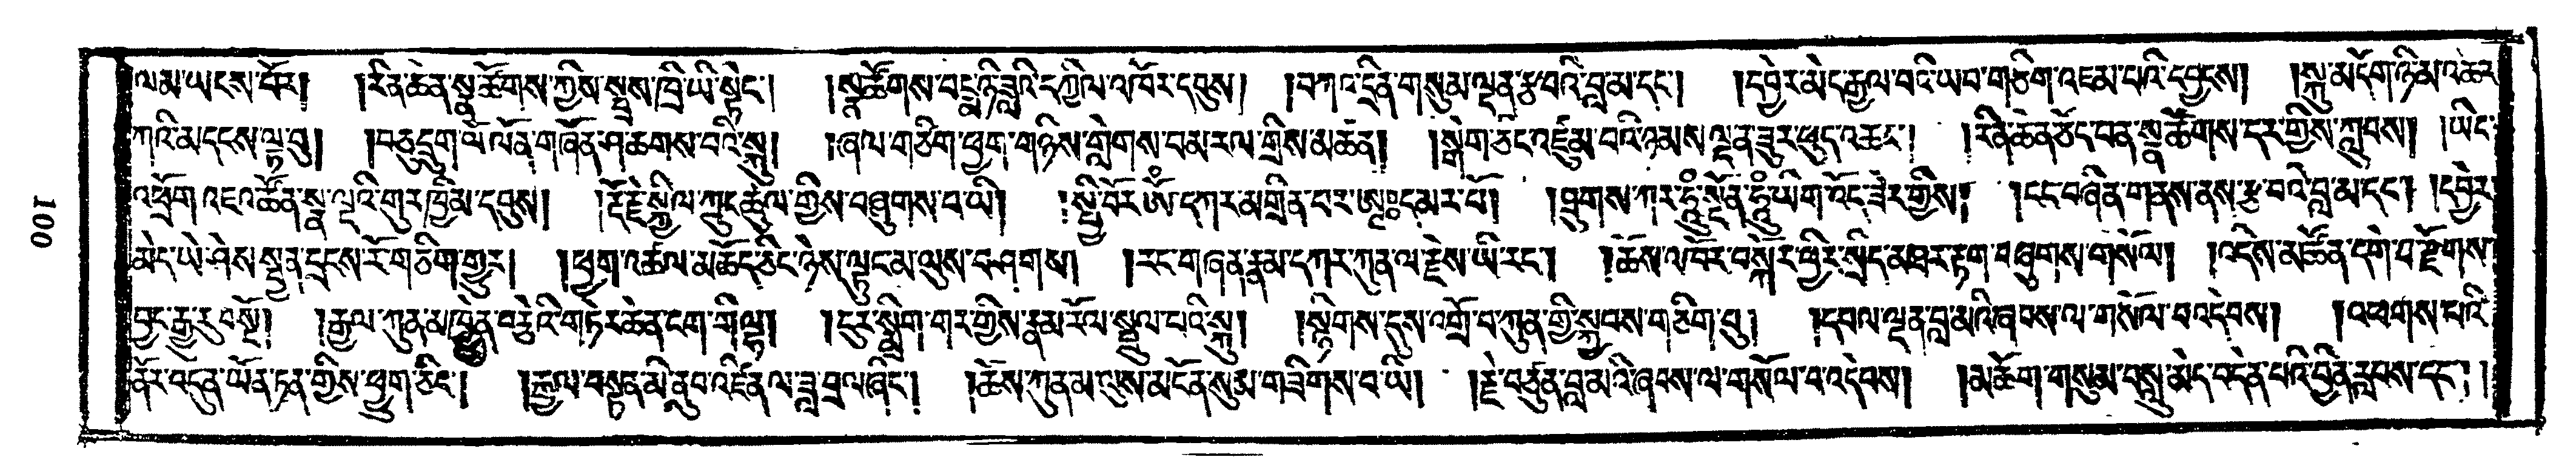ལམ་ཡངས་པོར། །རིན་ཆེན་སྣ་ཚོགས་ཀྱིས་སྤྲས་ཁྲི་ཡི་སྟེང་། །སྣ་ཚོགས་པདམ་ཉི་ཟླའི་དཀྱིལ་འཁོར་དབུས། །བཀའ་དྲིན་གསུམ་ལྡན་རྩ་བའི་བླ་མ་དང་། །དབྱེར་མེད་རྒྱལ་བའི་ཡབ་གཅིག་འཇམ་པའི་དབྱངས། །སྐུ་མདོག་ཉི་མ་འཆར་
ཀའི་མདངས་ལྟ་བུ། །བཅུ་དྲུག་ལོ་ལོན་གཞོན་ཤ་ཆགས་པའི་སྐུ། །ཞལ་གཅིག་ཕྱག་གཉིས་གླེགས་བམ་རལ་གྲིས་མཚན། །སྒེག་ཅིང་འཛུམ་པའི་ཉམས་ལྡན་ཟུར་ཕུད་འཆང་། །རིན་ཆེན་ཅོད་བན་སྣ་ཚོགས་དར་གྱིས་ཀླུབས། །ཡིད་
འཕྲོག་འཇའ་ཚོན་སྣ་ལྔའི་གུར་ཁྱིམ་དབུས། །རྡོ་རྗེ་སྐྱིལ་ཀྲུང་ཚུལ་གྱིས་བཞུགས་པ་ཡི། །སྤྱི་བོར་ཨོཾ་དཀར་མགྲིན་པར་ཨཱཿདམར་པོ། །ཐུགས་ཀར་ཧཱུཾ་སྔོན་ཧཱུཾ་ཡིག་འོད་ཟེར་གྱིས། །ངང་བཞིན་གནས་ནས་རྩ་བའི་བླ་མ་དང་། །དབྱེར་
མེད་ཡེ་ཤེས་སྤྱན་དྲངས་རོ་གཅིག་གྱུར། །ཕྱག་འཚལ་མཆོད་ཅིང་ཉེས་ལྟུང་མ་ལུས་བཤགས། །རང་གཞན་རྣམ་དཀར་ཀུན་ལ་རྗེས་ཡི་རང་། །ཆོས་འཁོར་བསྐོར་ཕྱིར་སྲིད་མཐར་རྟག་བཞུགས་གསོལ། །འདིས་མཚོན་དགེ་བ་རྫོགས་
བྱང་རྒྱུ་རུ་བསྔོ། །རྒྱལ་ཀུན་མཁྱེན་བརྩེའི་གཏེར་ཆེན་ངག་གི་ལྷ། །དུར་སྨྲིག་གར་གྱིས་རྣམ་རོལ་སྦྲུལ་པའི་སྐུ། །སྙིགས་དུས་འགྲོ་བ་ཀུན་གྱི་སྐྱབས་གཅིག་པུ། །དཔལ་ལྡན་བླ་མའི་ཞབས་ལ་གསོལ་བ་འདེབས། །འཕགས་པའི་
ནོར་བདུན་ཡོན་ཏན་གྱིས་ཕྱུག་ཅིང་། །རྒྱལ་བསྟན་མི་ནུབ་འཛིན་ལ་ཟླ་བྲལ་ཞིང་། །ཆོས་ཀུན་མ་ལུས་མངོན་སུམ་གཟིགས་བ་ཡི། །རྗེ་བཙུན་བླ་མའི་ཞབས་ལ་གསོལ་བ་འདེབས། །མཆོག་གསུམ་བསླུ་མེད་བདེན་པའི་བྱིན་རླབས་དང་